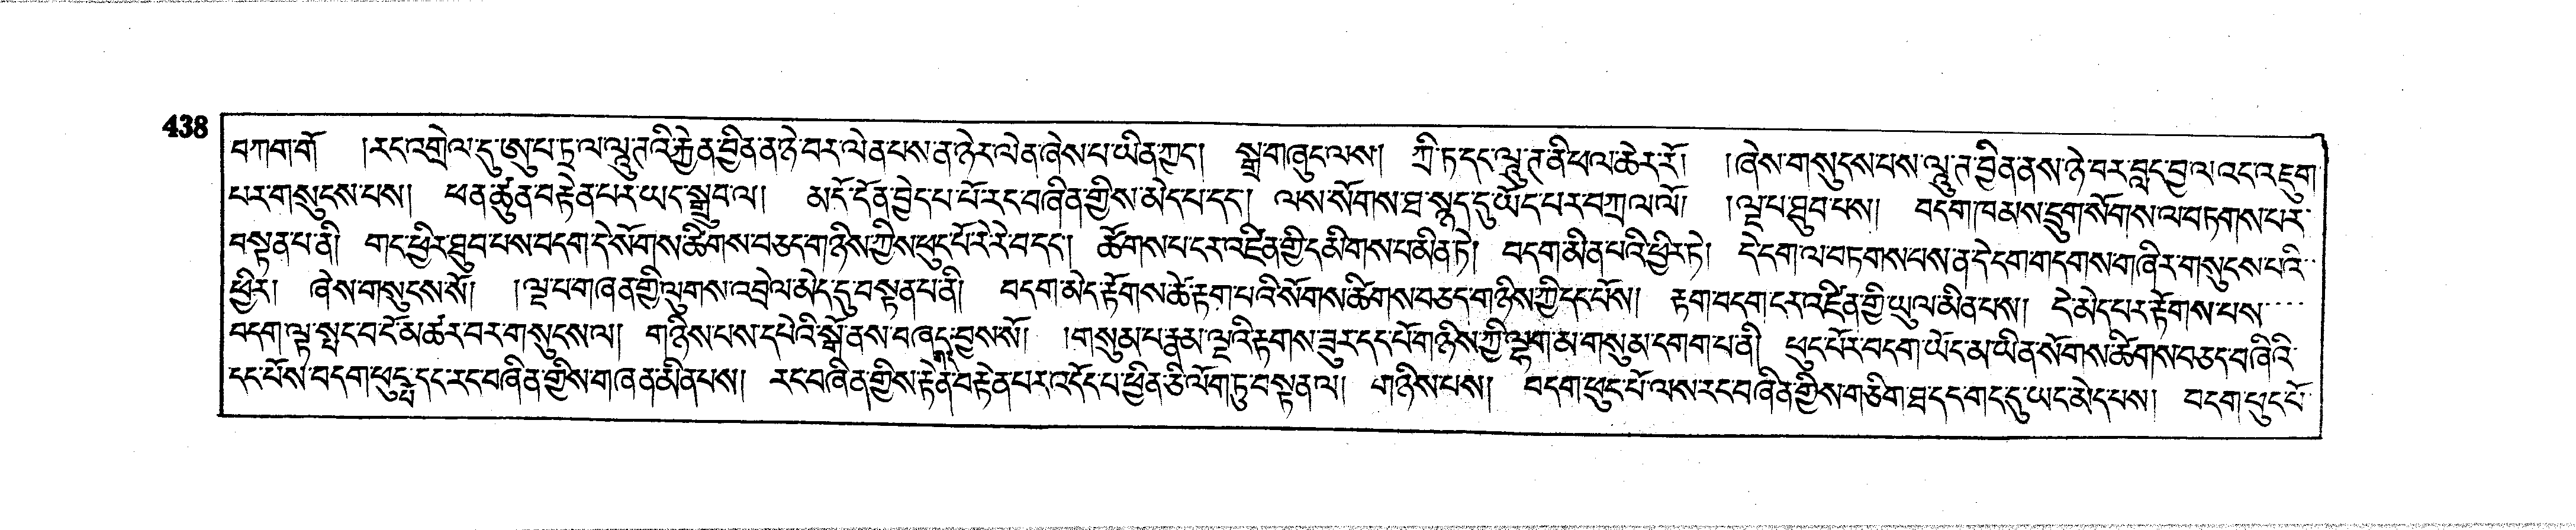བཀག་གོ །རང་འགྲེལ་དུ་ཨུ་པ་ཏྲ་ལ་ལཱུ་ཊའི་རྐྱེན་བྱིན་ན་ཉེ་བར་ལེན་པས་ན་ཉེར་ལེན་ཞེས་པ་ཡིན་ཀྱང་། སྒྲ་གཞུང་ལས། ཀྲི་ཏ་དང་ལཱུ་ཊ་ནི་ཕལ་ཆེར་རོ། །ཞེས་གསུངས་པས་ལཱུ་ཊ་བྱིན་ནས་ཉེ་བར་བླང་བྱ་ལའང་འཇུག་
པར་གསུངས་པས། ཕན་ཚུན་བརྟེན་པར་ཡང་སྒྲུབ་ལ། མདོ་དོན་བྱེད་པ་པོ་རང་བཞིན་གྱིས་མེད་པ་དང་། ལས་སོགས་ཐ་སྙད་དུ་ཡོད་པར་བཀྲལ་ལོ། །ལྔ་པ་ཐུབ་པས། བདག་ཁམས་དྲུག་སོགས་ལ་བཏགས་པར་
བསྟན་པ་ནི། གང་ཕྱིར་ཐུབ་པས་བདག་དེ་སོགས་ཚིགས་བཅད་གཉིས་ཀྱིས་ཕུང་པོ་རེ་རེ་བ་དང་། ཚོགས་པ་ངར་འཛིན་གྱི་དམིགས་པ་མིན་ཏེ། བདག་མིན་པའི་ཕྱིར་ཏེ། དེ་དག་ལ་བཏགས་པས་ན་དེ་དག་གདགས་གཞིར་གསུངས་པའི་
ཕྱིར། ཞེས་གསུངས་སོ། །ལྔ་པ་གཞན་གྱི་ལུགས་འབྲེལ་མེད་དུ་བསྟན་པ་ནི། བདག་མེད་རྟོགས་ཚེ་རྟག་པའི་སོགས་ཚིགས་བཅད་གཉིས་ཀྱི་དང་པོས། རྟག་བདག་ངར་འཛིན་གྱི་ཡུལ་མིན་པས། དེ་མེད་པར་རྟོགས་པས་
བདག་ལྟ་སྤང་བ་ངོ་མཚར་བར་གསུངས་ལ། གཉིས་པས་དཔེའི་སྒོ་ནས་བཞད་གང་བྱས་སོ། །གསུམ་པ་རྣམ་ལྔའི་རྟགས་ཟུར་དང་པོ་གཉིས་ཀྱི་ལྷག་མ་གསུམ་དགག་པ་ནི། ཕུང་པོར་བདག་ཡོང་མ་ཡིན་སོགས་ཚིགས་བཅད་བཞིའི་
དང་པོས་བདག་ཕུང་པོ་དང་རང་བཞིན་གྱིས་གཞན་མིན་པས། རང་བཞིན་གྱིས་རྟེན་བརྟེན་པར་འདོད་པ་ཕྱིན་ཅི་ལོག་ཏུ་བསྟན་ལ། གཉིས་པས། བདག་ཕུང་པོ་ལས་རང་བཞིན་གྱིས་གཅིག་ཐ་དད་གང་དུ་ཡང་མེད་པས། བདག་ཕུང་པོ་